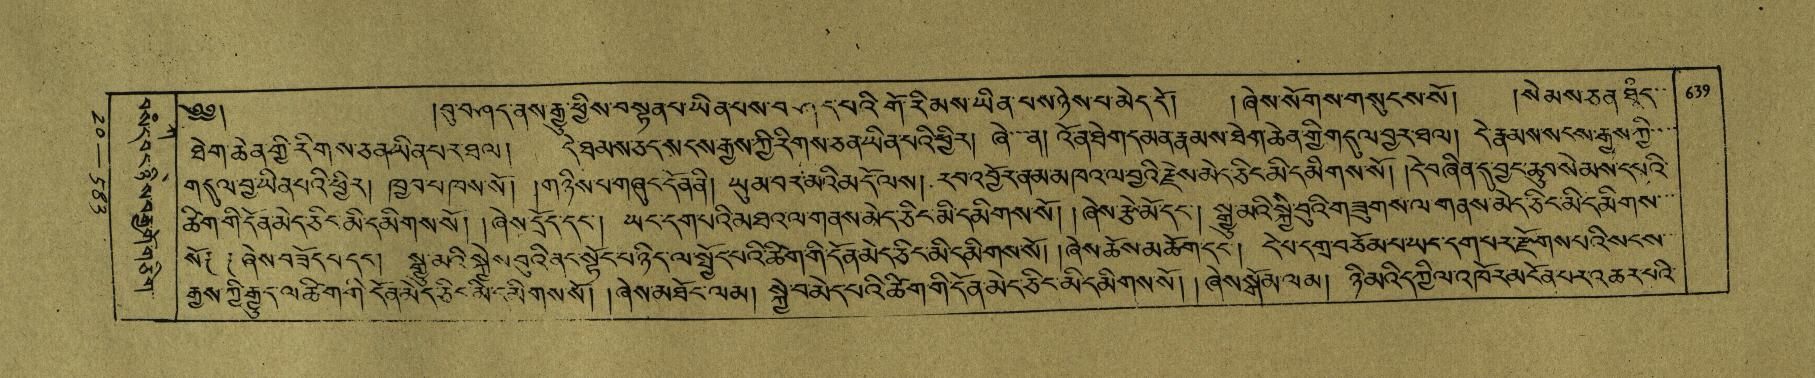༄༅། །བུ་བཤད་ནས་རྒྱུ་ཕྱིས་བསྟན་པ་ཡིན་པས་བཤད་པའི་གོ་རིམས་ཡིན་པས་ཉེས་པ་མེད་དོ། །ཞེས་སོགས་གསུངས་སོ། །སེམས་ཅན་ཐཾད་
ཐེག་ཆེན་གྱི་རིགས་ཅན་ཡིན་པར་ཐལ། དེ་ཐམས་ཅད་སངས་རྒྱས་ཀྱི་རིགས་ཅན་ཡིན་པའི་ཕྱིར། ཞེ་ན། འོ་ན་ཐེག་དམན་རྣམས་ཐེག་ཆེན་གྱི་གདུལ་བྱར་ཐལ། དེ་རྣམས་སངས་རྒྱས་ཀྱི་
གདུལ་བྱ་ཡིན་པའི་ཕྱིར། ཁྱབ་པ་ཁས་སོ། །གཉིས་པ་གཞུང་དོན་ནི། ཡུམ་བར་མའི་མདོ་ལས། རབ་འབྱོར་ནམ་མཁའ་ལ་བྱའི་རྗེས་མེད་ཅིང་མི་དམིགས་སོ། །དེ་བཞིན་དུ་བྱང་ཆུབ་སེམས་དཔའི་
ཚིག་གི་དོན་མེད་ཅིང་མི་དམིགས་སོ། །ཞེས་དྲོད་དང་། ཡང་དག་པའི་མཐའ་ལ་གནས་མེད་ཅིང་མི་དམིགས་སོ། །ཞེས་རྩེ་མོ་དང་། སྒྱུ་མའི་སྐྱེ་བུའི་གཟུགས་ལ་གནས་མེད་ཅིང་མི་དམིགས་
སོ༑ ༑ཞེས་བཟོད་པ་དང་། སྒྱུ་མའི་སྐྱེས་བུའི་ནང་སྟོང་པ་ཉིད་ལ་སྤྱོད་པའི་ཚིག་གི་དོན་མེད་ཅིང་མི་དམིགས་སོ། །ཞེས་ཆོས་མཆོག་དང་། དེ་པ་དགྲ་བཅོམ་པ་ཡང་དག་པར་རྫོགས་པའི་སངས་
རྒྱས་ཀྱི་རྒྱུད་ལ་ཚིག་གི་དོན་མེད་ཅིང་མི་དམིགས་སོ། །ཞེས་མཐོང་ལམ། སྐྱེ་བ་མེད་པའི་ཚིག་གི་དོན་མེད་ཅིང་མི་དམིགས་སོ། །ཞེས་སྒོམ་ལམ། ཉི་མའི་དཀྱིལ་འཁོར་མངོན་པར་འཆར་པའི་